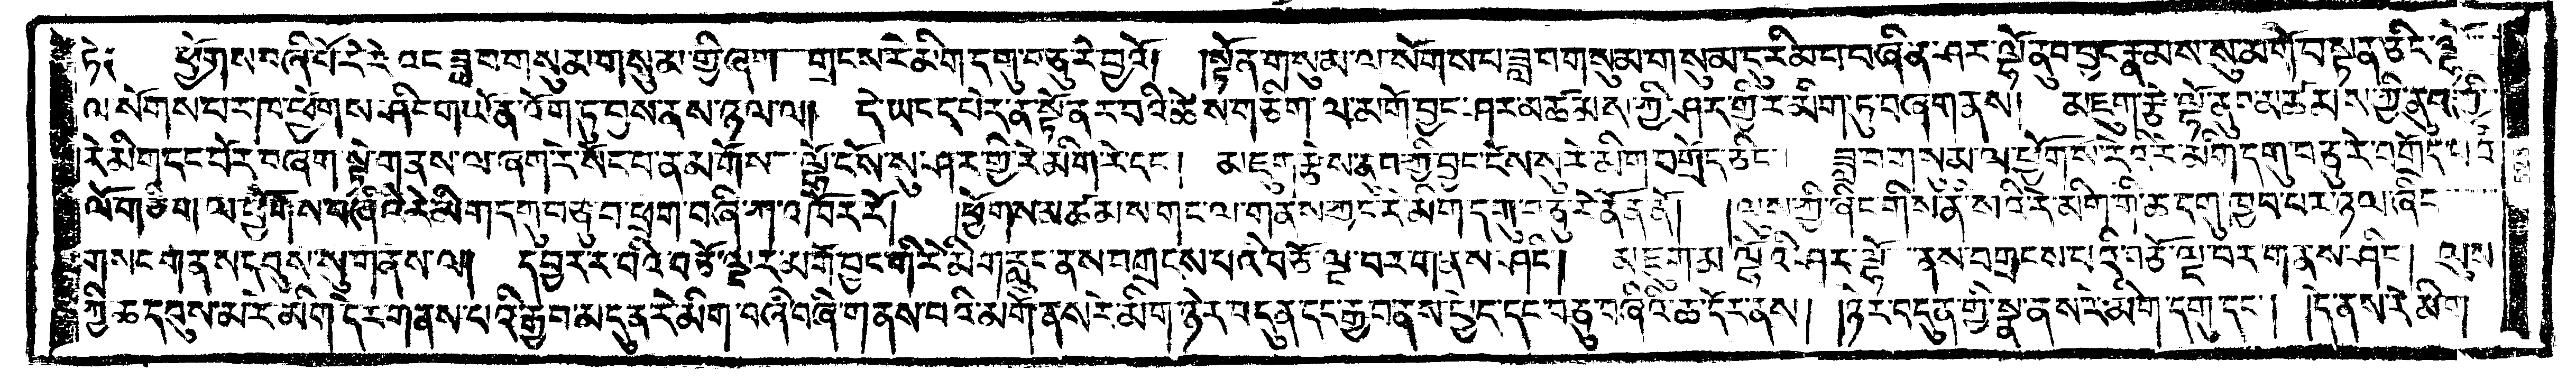ཏེ། ཕྱོགས་བཞི་པོ་རེ་རེ་འང་ཟླ་བ་གསུམ་གསུམ་གྱི་ཞག་གྲངས་རེ་མིག་དགུ་བཅུ་རེ་བྱའོ། །སྟོན་གསུམ་ལ་སོགས་པ་ཟླ་བ་གསུམ་དུ་རིམ་པ་བཞིན་ཤར་ལྷོ་ནུབ་བྱང་རྣམས་སུ་མགོ་བསྟན་ཅིང་ལྷོ་
ལ་སོགས་པར་ཁ་ཕྱོགས་ཤིང་གཡོན་འོག་ཏུ་བྱས་ནས་ཉལ་ལ། དེ་ཡང་དཔེར་ན་སྟོ་ནར་བའི་ཚེས་གཅིག་ལ་མགོ་བྱང་ཤར་མཚམས་ཀྱི་ཤར་གྱིར་མིག་ཏུ་བཞ་གནས། མཇུག་རྩེ་ལྷོ་ནུབ་མཚམས་ཀྱི་ནུབ་ཀྱི་
རེ་མིག་དང་པོར་བཞག་སྟེ་གནས་ལ་ཞག་རེ་སོང་བ་ནམ་གོས་ལྷོ་ངོས་སུ་ཤར་གྱི་རེ་མིག་རེ་དང་། མཇུག་རྩེས་ནུབ་ཀྱི་བྱང་ངོས་སུ་རེ་མིག་བགྲོད་ཅིང་ཟླ་བ་གསུམ་ལ་ཕྱོགས་རེའི་རེ་མིག་དགུ་བཅུ་རེ་འགྲོད་པའི་
ལོ་གཅིག་ལ་ཕྱོགས་བཞིའེ་རེ་མིག་དགུ་བཅུ་བ་ཕྲག་བཞི་ཀ་འཁོར་རོ། །ཕྱོགས་མཚམས་གང་ལ་གནས་ཀྱང་རེ་མིག་དགུ་བཅུ་རེ་ནོན་ནོ། །ལུས་ཀྱི་ཞིང་གིས་ནི་སའི་རེ་མིག་གི་ཆ་དགུ་ཁྱབ་པར་ཉལ་ཞིང་
གསང་གནས་དབུས་སུ་གནས་ལ། དབྱར་ར་བའི་བཅོ་ལྔར་མགོ་བྱང་གི་རེ་མིག་རླུང་ནས་བགྲངས་པའི་བཅོ་ལྔ་བར་གནས་ཤིང་། །མཇུག་མ་ལྷོའི་ཤར་ལྷོ་ནས་བགྲམས་པའི་གཙོ་ལྔ་བར་གནས་ཤིང་། ལུས་
ཀྱི་ཆད་བུས་མེར་མིག་དེར་གནས་པའི་རྒྱབ་མདུན་རེ་མིག་བཞི་བཞི་གནས་པའི་མགོ་ནས་རེ་མིག་ཉེར་བདུན་དང་རྒྱབ་ནས་ཕྱེད་དང་བཅུ་བཞིའི་ཆ་དོར་ནས། །ཉེར་བདུན་གྱི་སྣ་ནས་རེ་མིག་དགུ་དང་། །དེ་ནས་རེ་མིག།